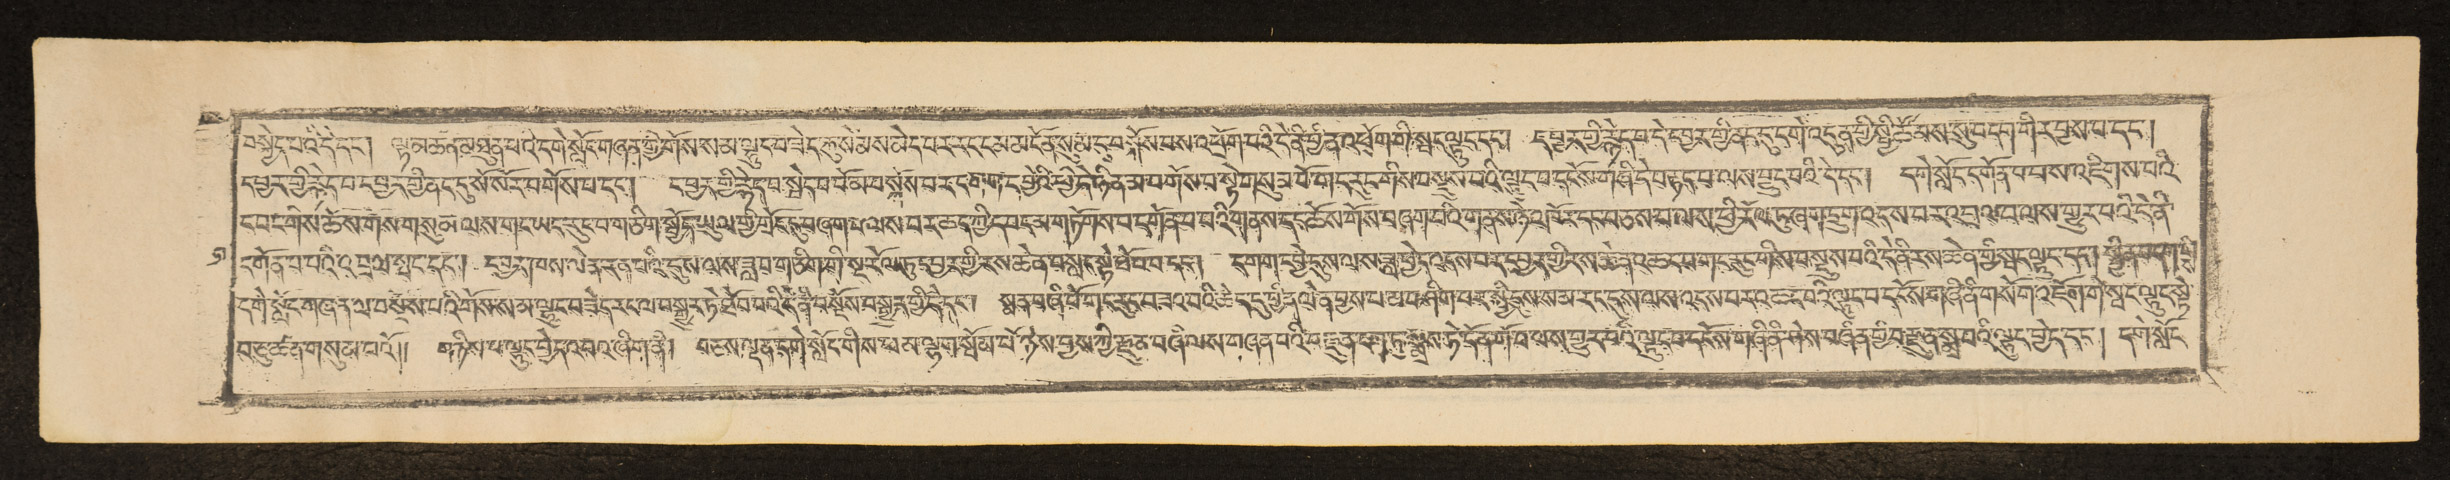བསྐྱེད་པའི་དེ་དང་། ལྟ་མཚན་མཐུན་པའི་དགེ་སློང་གཞན་གྱི་གོས་སམ་ལྷུང་བཟེད་རྒུ་སེམས་མེད་པར་རང་ངམ་མངོན་སུམ་དུ་བསྐོས་པས་འཕྲོག་བའི་དེ་ནི་བྱིན་འཕྲོག་གི་སྤང་ལྟུང་དང་། དབྱར་གྱི་རྙེད་པ་དེ་དབྱར་གྱི་ནང་དུ་དགེ་འདུན་གྱི་སྤྱི་ཚོམས་སུ་བདག་གིར་བྱས་པ་དང་།
དབྱར་གྱི་རྙེད་པ་དབྱར་གྱི་ནང་དུ་སོ་སོར་བགོས་པ་དང་། དབྱར་གྱི་རྙེད་པ་སྤེད་བ་བོམ་བསྐོས་པར་དགག་དབྱེའི་ཕྱི་དེ་ཉིན་མ་བགོས་པ་སྟེ་གསུམ་པོ་གང་རུང་གིས་བསྡུས་པའི་ལྟུང་བ་དངོས་གཞི་དེ་བརྟད་པ་ལས་བྱུང་བའི་དེ་དང་། དགེ་སློང་དགོན་བ་བས་འཇིགས་པའི་
དབང་གིས་ཆོས་གོས་གསུམ་ལས་གང་ཡང་རུང་བ་གཅིག་སྤྱོད་ཡུལ་གྱི་གྲོང་དུ་བཞག་པ་ལས་བར་ཆད་ཀྱི་དབང་མ་གཏོགས་པ་དགོན་པ་པའི་གནས་དང་ཆོས་གོས་བཞག་པའི་གནས་ཉེ་འཁོར་དང་བཅས་པ་ལས་ཕྱི་རོལ་ཏུ་ཞག་དྲུག་འདས་བར་འབྲལ་བ་ལས་གྱུར་བའི་དེ་ནི་
དགོན་པ་པའི་འབྲལ་སྤང་དང་། དབྱར་ཁས་ལེན་རན་པའི་དུས་ལས་ཟླ་བ་གཅིག་གི་སྔ་རོལ་ཏུ་དབྱར་གྱི་རས་ཆེན་བསླང་སྟེ་ཐོབ་པ་དང་། དགག་དབྱེ་དུས་ལས་ཟླ་ཕྱེད་འདས་བར་དབྱར་གྱི་རས་ཆེན་འཆང་བ་གང་རུང་གིས་བསྡུས་པའི་དེ་ནི་རས་ཆེན་གྱི་སྤང་ལྟུང་དང་། སྦྱིན་བདག་གིས་
དགེ་སློང་གཞན་ལ་བསྔོས་པའི་གོས་སམ་ལྷུང་བཟེད་རང་ལ་བསྒྱུར་ཏེ་ཐོབ་པའི་དེ་ནི་བསྔོས་བསྒྱུར་གྱི་དེ་དང་། སྨན་བཞི་བོ་གང་རུང་བཟའ་བའི་ཆེད་དུ་བྱིན་ལེན་བྱས་པ་མ་བཤིག་པར་སྤྱི་དུས་སམ་རང་དུས་ལས་འདས་པར་འཆང་བའི་ལྟུང་བ་དངོས་གཞི་ནི་གསོག་འཇོག་གི་སྦང་ལྟུང་སྟེ་
བཅུ་ཚན་གསུམ་པའོ།། གཉིས་པ་ལྟུང་བྱེད་འབའ་ཞིག་ནི། བཅས་ལྡན་དགེ་སློང་གིས་ཕམ་ལྷག་སྤོམ་པོ་ཉེས་བྱས་ཀྱི་རྫུན་བཞི་ལས་གཞན་པའི་བརྫུན་ངག་ཏུ་སྨྲས་ཏེ་དོན་གོ་བ་ལས་གྱུར་བའི་ལྟུང་བ་དངོས་གཞི་ནི་ཤེས་བཞིན་གྱི་བརྫུན་སྨྲ་བའི་ལྟུང་བྱེད་དང་། དགེ་སློང་